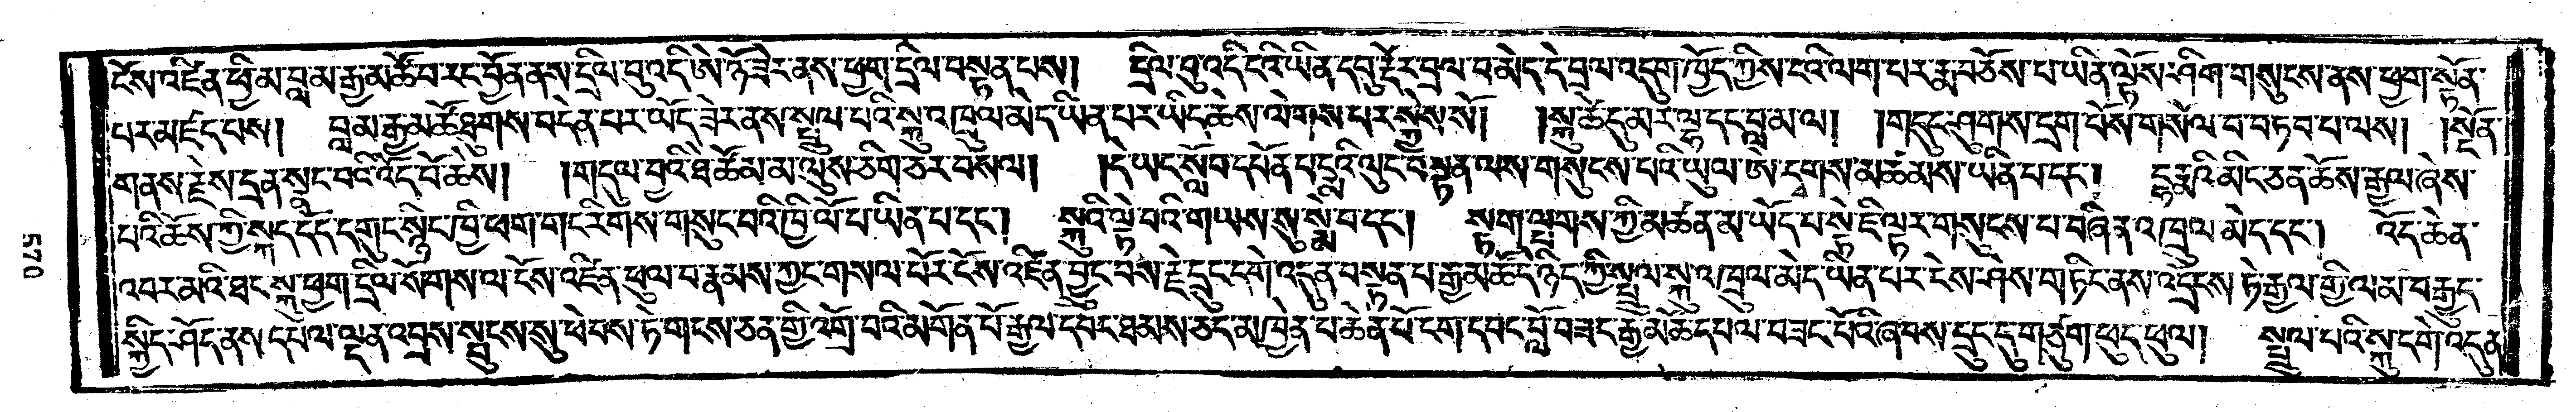ངོས་འཛིན་ཕྱི་མ་བླ་མ་རྒྱ་མཚོ་བ་རང་བྱོན་ནས་དྲིལ་བུ་འདི་ཨེ་ཉོ་ཟེར་ནས་ཕྱག་དྲིལ་བསྟན་པས། དྲིལ་བུ་འདི་ངའི་ཡིན་དབུ་རྡོར་བྲལ་བ་མེད་དེ་བྲལ་འདུག་ཁྱོད་ཀྱིས་ངའི་ལག་པར་རྨ་བཅོས་པ་ཡིན་ལྟོས་ཤིག་གསུངས་ནས་ཕྱག་སྟོན་
པར་མཛད་པས། བླ་མ་རྒྱ་མཚོ་ཐུགས་བདེན་པར་ཡོད་ཟེར་ནས་སྤྲུལ་པའི་སྐུ་འཁྲུལ་མེད་ཡིན་པར་ཡིད་ཆེས་ལེགས་པར་སྐྱེས་སོ། །སྐུ་ཚེ་དུ་མར་ལྷ་དང་བླ་མ་ལ། །གདུང་ཤུགས་དྲག་པོས་གསོལ་བ་བཏབ་པ་ལས། །སྔོན་
གནས་རྗེས་དྲན་སྣང་བའི་འོད་པོ་ཆེས། །གདུལ་བྱའི་ཐེ་ཚོམ་མ་ལུས་ཅིག་ཅེར་བསལ། །དེ་ཡང་སློབ་དཔོན་པདམའི་ལུང་བསྟན་ལས་གསུངས་པའི་ཡུལ་ཨེ་དྭགས་མཚམས་ཡིན་པ་དང་། དྷརྨའི་མིང་ཅན་ཆོས་རྒྱལ་ཞེས་
པའི་ཆོས་ཀྱི་སྐད་དོད་དགུང་སྙིང་ཁྱི་ཕག་གང་རིགས་གསུང་བའི་ཁྱི་ལོ་པ་ཡིན་པ་དང་། སྐུའི་ལྟེ་བའི་གཡས་སུ་སྨེ་བ་དང་། སྟག་ལྤགས་ཀྱི་མཚན་མ་ཡོད་པ་སྟེ་ཇི་ལྟར་གསུངས་པ་བཞིན་འཁྲུལ་མེད་དང་། འོད་ཆེན་
འབར་མའི་ཐང་སྐུ་ཕྱག་དྲིལ་སོགས་ལ་ངོས་འཛིན་ཕུལ་བ་རྣམས་ཀྱང་གསལ་པོར་ངོས་འཛིན་བྱུང་བས་རྗེ་དྲུང་དགེ་འདུན་བསྟན་པ་རྒྱ་མཚོ་དེ་ཉིད་ཀྱི་སྤྲུལ་སྐུ་འཁྲུལ་མེད་ཡིན་པར་ངེས་ཤེས་གཏིང་ནས་འདྲོངས་ཏེ་རྒྱལ་གྱི་ལམ་བརྒྱུད་
སྐྱིད་ཤོད་ནས་དཔལ་ལྡན་འབྲས་སྤུངས་སུ་ཕེབས་ཏེ་གངས་ཅན་གྱི་འགྲོ་བའི་མགོན་པོ་རྒྱལ་དབང་ཐམས་ཅད་མཁྱེན་པ་ཆེན་པོ་ངག་དབང་བློ་བཟང་རྒྱ་མཚོ་དཔལ་བཟང་པོའི་ཞབས་དྲུང་དུ་གཙུག་ཕུད་ཕུལ། སྤྲུལ་པའི་སྐུ་དགེ་འདུན་